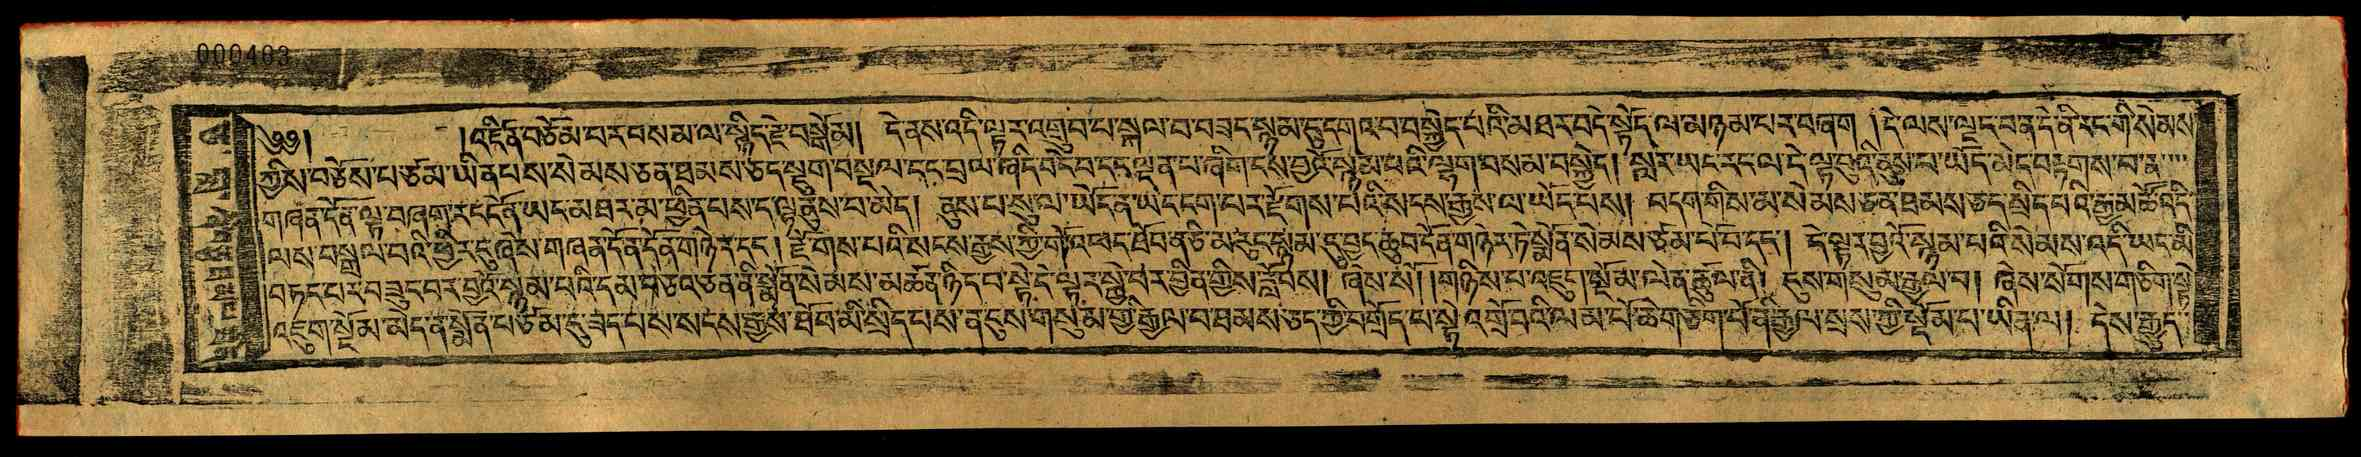༄༅། །འཛིན་བཅོམ་པར་བསམ་ལ་སྙིང་རྗེ་བསྒོམ། དེ་ནས་འདི་ལྟར་འགྲུབ་པ་སྐལ་བ་བཟང་སྙམ་དུ་དགའ་བ་བསྐྱེད་པའི་མཐར་བདེ་སྟོང་ལ་མཉམ་པར་བཞག །དེ་ལས་ལྡང་བ་ན་དེ་ནི་རང་གི་སེམས་
ཀྱིས་བཅོས་པ་ཙམ་ཡིན་པས་སེམས་ཅན་ཐམས་ཅད་སྡུག་བསྔལ་དང་བྲལ་ཞིང་བདེ་བ་དང་ལྡན་པ་ཞིག་ངས་བྱའོ་སྙམ་པའི་ལྷག་བསམ་བསྐྱེད། སླར་ཡང་རང་ལ་དེ་ལྟ་བུའི་ནུས་པ་ཡོད་མེད་བརྟགས་པ་ན་
གཞན་དོན་ལྟ་བཞག་རང་དོན་ཡང་མཐར་མ་ཕྱིན་པས་ད་ལྟ་ནུས་པ་མེད། ནུས་པ་སུ་ལ་ཡོད་ན་ཡང་དག་པར་རྫོགས་པའི་སངས་རྒྱས་ལ་ཡོད་པས། བདག་གིས་མ་སེམས་ཅན་ཐམས་ཅད་སྲིད་པའི་རྒྱ་མཚོ་འདི་
ལས་བསྒྲལ་བའི་ཕྱིར་དུ་ཞེས་གཞན་དོན་དོན་གཉེར་དང་། རྫོགས་པའི་སངས་རྒྱས་ཀྱི་གོ་འཕང་ཐོབ་ན་ཅི་མ་རུང་སྙམ་དུ་བྱང་ཆུབ་དོན་གཉེར་ཏེ་སྨོན་སེམས་ཙམ་པོ་བ་དང་། དེ་ལྟར་བྱའོ་སྙམ་པའི་སེམས་འདི་ཡང་མི་
བཏང་བར་བཟུང་བར་བྱའོ་སྙམ་པའི་དམ་བཅའ་ཅན་ནི་སྨོན་སེམས་མཚན་ཉིད་པ་སྟེ་དེ་ལྟར་སྐྱེ་བར་བྱིན་གྱིས་རློབས། ཞེས་སོ། །གཉིས་པ་འཇུག་སྡོམ་ལེན་ཚུལ་ནི། དུས་གསུམ་རྒྱལ་བ། ཞེས་སོགས་གཅིག་སྟེ་
འཇུག་སྡོམ་མེད་ན་སྨོན་པ་ཙམ་དུ་ཟད་པས་སངས་རྒྱས་ཐོབ་མི་སྲིད་པས་ན་དུས་གསུམ་གྱི་རྒྱལ་བ་ཐམས་ཅད་ཀྱི་བགྲོད་པ་སྟེ་འགྲོ་བའི་ལམ་པོ་ཆེ་གཅིག་པོ་ནི་རྒྱལ་སྲས་ཀྱི་སྡོམ་པ་ཡིན་ལ། དེས་རྒྱུད་